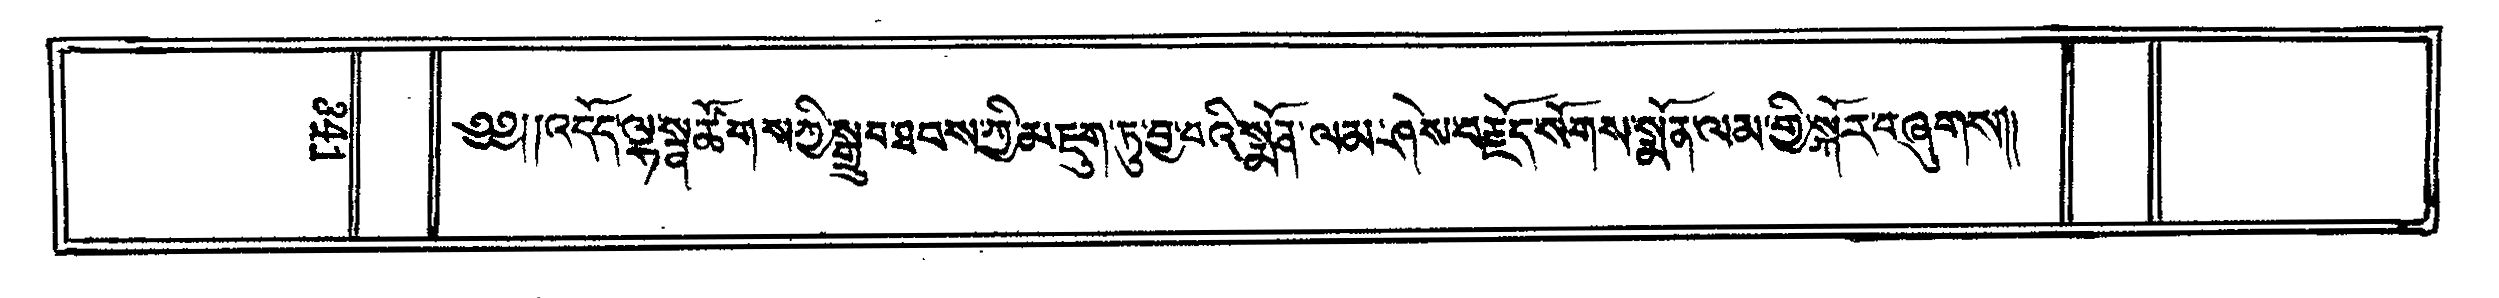༄༅། །འདོད་ལྷ་སྣ་ཚོགས་ཀྱི་སྒྲུབ་ཐབས་ཀྱི་མཇུག་ཏུ་བྱ་བའི་སྨོན་ལམ་ཤིས་བརྗོད་སོགས་སྨོན་ལམ་གྱི་སྐོར་བཞུགས།།